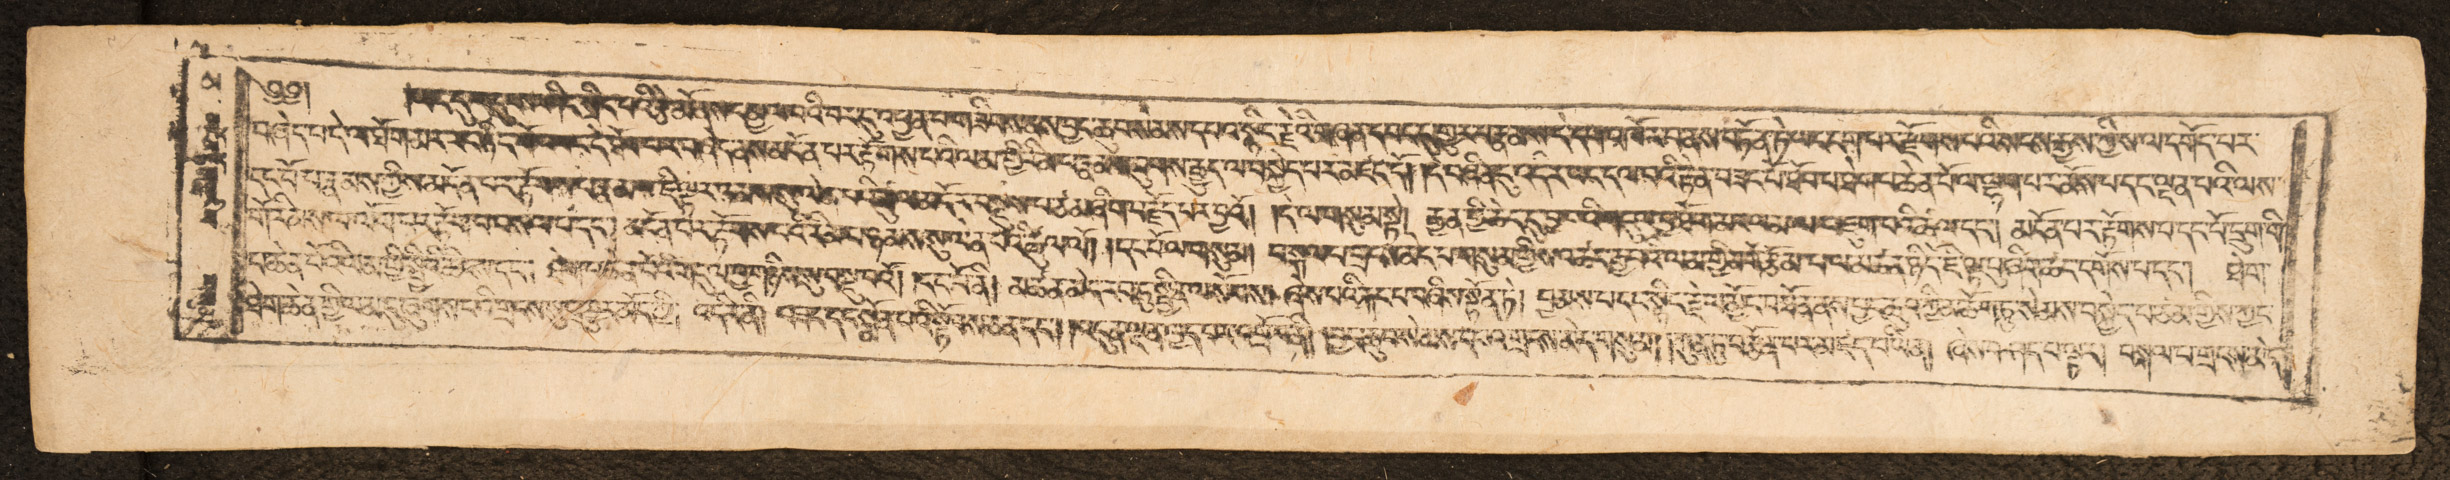༄༅། །ཡང་དུ་གདུངས་ཤིང་སྲིད་པའི་རྩེ་མོ་ནས་དམྱལ་བའི་བར་དུ་འཕྱན་པ་གཟིགས་ནས་བྱང་ཆུབ་སེམས་དཔའ་སྙིང་རྗེའི་གཞན་དབང་དུ་གྱུར་པ་རྣམས་དེ་དག་འཁོར་བ་ནས་བཏོན་ཏེ་ཡང་དག་པར་རྫོགས་པའི་སངས་རྒྱས་ཀྱི་ས་ལ་དགོད་པར་
བཞེད་པ་དེ་ལ་ཐོག་མར་རང་ཉིད་གོ་འཕང་དེ་ཐོབ་པར་བཞེད་ནས་མངོན་པར་རྟོགས་པའི་ལམ་གྱི་རིམ་པ་རྣམས་ཐུགས་རྒྱུད་ལ་བསྐྱེད་པར་མཛད་དོ། །ད་བཞིན་དུ་འདིར་ཡང་དལ་བའི་རྟེན་བཟང་པོ་ཐོབ་པ་ཐེག་པ་ཆེན་པོ་ལ་ལྷག་པར་མོས་པ་དང་ལྡན་པའི་ལས་
དང་པོ་པ་རྣམས་ཀྱིས་མངོན་པར་རྟོགས་པ་རྣམས་ཇི་ལྟར་ཉམས་སུ་ལེན་པའི་ཚུལ་མདོར་བསྡུས་པ་ཙམ་ཞིག་བརྗོད་པར་བྱའོ། །དེ་ལ་གསུམ་སྟེ། རྒྱན་གྱི་ཆེད་དུ་བྱ་བའི་གདུལ་བྱ་ཐོག་མར་ལམ་ལ་འཇུག་པའི་ཚུལ་དང་། མངོན་པར་རྟོགས་པ་དང་པོ་དྲུག་གི་
གོ་རིམས་ལ་ལོག་པར་རྟོག་པ་བསལ་པ་དང་། མངོན་པར་རྟོགས་པའི་རིམ་པ་ཉམས་སུ་ལེན་པའི་ཚུལ་ལོ། །དང་པོ་ལ་གསུམ། བསྐལ་པ་གྲངས་མེད་པ་གསུམ་གྱིས་འཚང་རྒྱ་བའི་ལམ་གྱི་མགོ་རྩོམ་པ་ལ་མཚན་ཉིད་ཇི་ལྟ་བུ་ཞིག་ཚང་དགོས་པ་དང་། ཐེག་
པ་ཆེན་པོའི་ལམ་གྱི་སྤྱིའི་ཆིངས་དང་། ཐེག་པ་ཆེན་པོའི་གདུལ་བྱ་གཉིས་སུ་བསྡུ་བའོ། །དང་པོ་ནི། མཚན་མེད་རབ་ཏུ་སྦྱིན་ལ་སོགས། ཞེས་པའི་རྐང་པ་བཞིས་སྟོན་ཏེ། བྱམས་པ་དང་སྙིང་རྗེ་ལ་མྱོང་བ་ཐོན་ནས་བྱང་ཆུབ་ཀྱི་མཆོག་ཏུ་སེམས་བསྐྱེད་པ་ཙམ་གྱིས་ཀྱང་
ཐེག་ཆེན་གྱི་ལམ་དུ་ཞུགས་པའི་གྲངས་སུ་འགྱུར་མོད་ཀྱི། འདིར་ནི། བཟང་དང་སྨོན་པའི་སྟོབས་ཅན་དང་། །འདུན་ལྡན་ཁྱད་པར་འགྲོ་བ་ནི། །བྱང་ཆུབ་སེམས་དང་འགྲངས་མེད་གསུམ། །ཀུན་ཏུ་བརྩོན་པར་མཛད་པ་ཡིན། ཞེས་བཤད་པ་ལྟར། བསྐལ་པ་གྲངས་མེད་